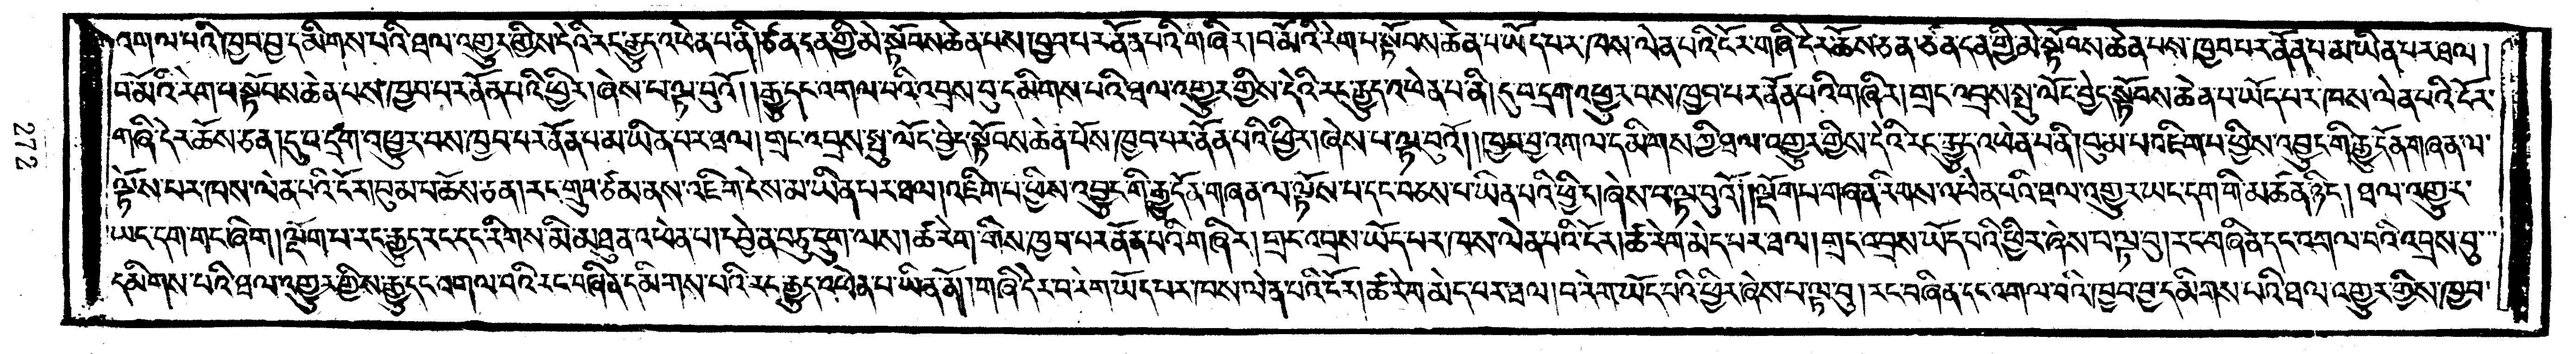འགལ་བའི་ཁྱབ་བྱ་དམིགས་པའི་ཐལ་འགྱུར་གྱིས་དེའི་རང་རྒྱུད་འཕེན་པ་ནི། ཙན་དན་གྱི་མེ་སྟོབས་ཆེན་པས་ཁྱབ་པར་ནོན་པའི་གཞིར། བ་མོའི་རེག་པ་སྟོབས་ཆེན་པ་ཡོད་པར་ཁས་ལེན་པའི་ངོར་གཞི་དེར་ཆོས་ཅན། ཙན་དན་གྱི་མེ་སྟོབས་ཆེན་པས་ཁྱབ་པར་ནོན་པ་མ་ཡིན་པར་ཐལ།
བ་མོའི་རེག་པ་སྟོབས་ཆེན་པས་ཁྱབ་པར་ནོན་པའི་ཕྱིར། ཞེས་པ་ལྟ་བུའོ། །རྒྱུ་དང་འགལ་བའི་འབྲས་བུ་དམིགས་པའི་ཐལ་འགྱུར་གྱིས་དེའི་རང་རྒྱུད་འཕེན་པ་ནི། དུ་བ་དྲག་འཕྱུར་བས་ཁྱབ་པར་ནོན་པའི་གཞིར། གྲང་འབྲས་སྤུ་ལོང་བྱེད་སྟོབས་ཆེན་པ་ཡོད་པར་ཁས་ལེན་པའི་ངོར།
གཞི་དེར་ཆོས་ཅན། དུ་བ་དྲག་འཕྱུར་བས་ཁྱབ་པར་ནོན་པ་མ་ཡིན་པར་ཐལ། གྲང་འབྲས་སྤུ་ལོང་བྱེད་སྟོབས་ཆེན་པས་ཁྱབ་པར་ནོན་པའི་ཕྱིར། ཞེས་པ་ལྟ་བུའོ། །ཁྱབ་བྱ་འགལ་དམིགས་ཀྱི་ཐལ་འགྱུར་གྱིས་དེའི་རང་རྒྱུད་འཕེན་པ་ནི། བུམ་པ་འཇིག་པ་ཕྱིས་འབྱུང་གི་རྒྱུ་དོན་གཞན་ལ་
ལྟོས་པར་ཁས་ལེན་པའི་ངོར། བུམ་པ་ཆོས་ཅན། རང་གྲུབ་ཙམ་ནས་འཇིག་ངེས་མ་ཡིན་པར་ཐལ། འཇིག་པ་ཕྱིས་འབྱུང་གི་རྒྱུ་དོན་གཞན་ལ་ལྟོས་པ་དང་བཅས་པ་ཡིན་པའི་ཕྱིར། ཞེས་པ་ལྟ་བུའོ། །ལྡོག་པ་གཞན་རིགས་འཕེན་པའི་ཐལ་འགྱུར་ཡང་དག་གི་མཚན་ཉིད། ཐལ་འགྱུར་
ཡང་དག་གང་ཞིག །ལྡོག་པ་རང་རྒྱུད་རང་དང་རིགས་མི་མཐུན་འཕེན་པ། དབྱེ་ན་བཅུ་དྲུག་ལས། ཚ་རེག་གིས་ཁྱབ་པར་ནོན་པའི་གཞིར། གྲང་འབྲས་ཡོད་པར་ཁས་ལེན་པའི་ངོར། ཚ་རེག་མེད་པར་ཐལ། གྲང་འབྲས་ཡོད་པའི་ཕྱིར་ཞེས་པ་ལྟ་བུ། རང་གཞིན་དང་འགལ་བའི་འབྲས་བུ་
དམིགས་པའི་ཐལ་འགྱུར་གྱིས་རྒྱུ་དང་འགལ་བའི་རང་བཞིན་དམིགས་པའི་རང་རྒྱུད་འཕེན་པ་ཡིན་ནོ། །གཞི་དེར་བ་རེག་ཡོད་པར་ཁས་ལེན་པའི་ངོར། ཚ་རེག་མེད་པར་ཐལ། བ་རེག་ཡོད་པའི་ཕྱིར་ཞེས་པ་ལྟ་བུ། རང་བཞིན་དང་འགལ་བའི་ཁྱབ་བྱ་དམིགས་པའི་ཐལ་འགྱུར་གྱིས་ཁྱབ་